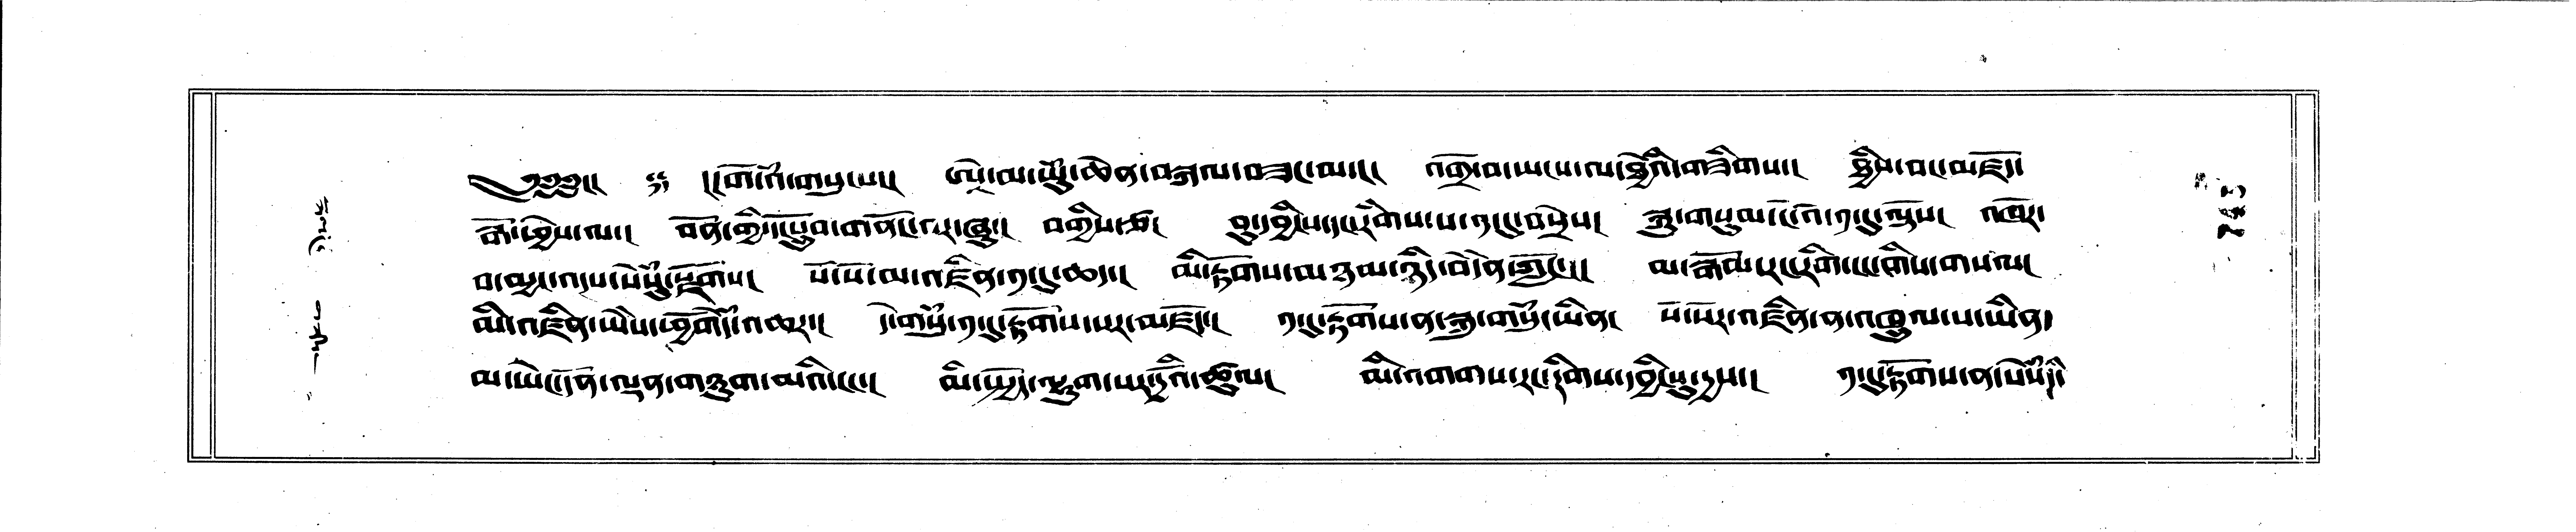གོ་འམ་གསུངས། ཨེ་མ་ཡུམ་ཆེན་སྐལ་བཟང་མ། །འགྲོ་བ་ཡོངས་ལ་ཐུགས་རྗེས་གཟིགས། །ཐུགས་ཀྱི་བང་མཛོད་
སྒོ་ཕྱེས་ལ། །བོན་གྱི་དངོས་གྲུབ་གནང་བར་ཞུ། །བགྱིས་ཙ། བུ་དབྱིངས་དང་རིག་པ་གཅིག་དུ་སྲེས། །སྐུ་གསུམ་ངོའོ་གཅིག་ཏུ་ལྟོས། །འཁོར་
བ་མྱང་འདས་སེམས་སུ་རྫོགས། །སོ་སོ་མ་འཛིན་གཅིག་དུ་ཆད། །མི་རྟོག་མཉམ་ཉིད་བདེ་ཆེན་ཀློང་། །མ་སྒོམ་རང་རིག་ངང་གིས་གསལ། 
།མི་འཛིན་ཡེ་ཤེས་ཕྱོགས་མེད་འཆར། །དེ་གསུམ་གཅིག་ཏུ་རྟོགས་པར་མཛོད། །གཅིག་ཏུ་རྟོགས་ན་སྐུ་གསུམ་ཡིན། །སོ་སོར་འཛིན་ན་འཁྲུལ་པ་ཡིན། 
།མ་ཡེངས་དོན་ལྡན་གཉུག་མའི་ངང་། །མི་སྤྱོད་ལྷུག་པར་རྒྱ་མཚོའི་ཚུལ། །མི་འགག་རང་རིག་དབྱིངས་སུ་རྒྱས། །གཅིག་ཏུ་རྟོགས་ན་སེམས་ཉིད་